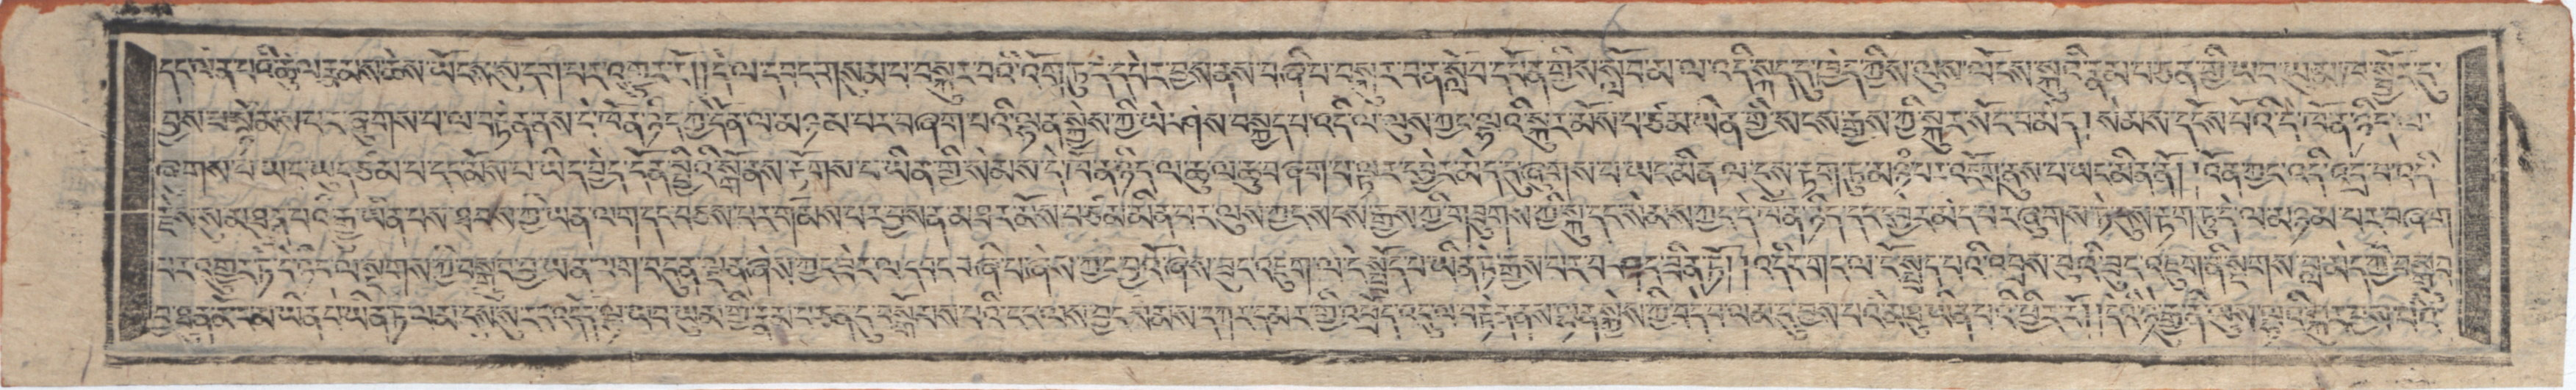དང་ལེན་པའི་ཚུལ་རྣམས་ཆེས་ཡོངས་སུ་དག་པར་འགྱུར་རོ། །དེ་ལ་དབང་གསུམ་པ་བསྐུར་བའི་འོག་ཏུ་དེ་དཔེར་བྱས་ནས་བཞི་པ་བསྐུར་བ་ན་སློབ་དཔོན་གྱིས་སློབ་མ་ལ་འདི་སྐད་དུ་ཁྱེད་ཀྱིས་ལུས་ལོངས་སྐུའི་རྣམ་པ་ཅན་གྱི་ཡབ་ཡུམ་ཁ་སྦྱོར་དུ་
བྱས་པ་སྙོམས་པར་ཞུགས་པ་ལ་བརྟེན་ནས་དེ་ཁོ་ན་ཉིད་ཀྱི་དོན་ལ་མཉམ་པར་བཞག་པའི་ལྷན་སྐྱེས་ཀྱི་ཡེ་ཤེས་བསྐྱེད་པ་འདི་ལ་ལུས་ཀྱང་ལྷའི་སྐུར་མོས་པ་ཙམ་ཡིན་གྱི་སངས་རྒྱས་ཀྱི་སྐུར་སོང་བ་མེད། སེམས་དངོས་པོའི་དེ་ཁོ་ན་ཉིད་ལ་
ཞུགས་པ་ཡང་ཡུད་ཙམ་པ་དང་མོས་པ་ཡིད་བྱེད་དོན་སྤྱིའི་སྒོ་ནས་རྟོགས་པ་ཡིན་གྱི་སེམས་དེ་ཁོ་ན་ཉིད་ལ་ཆུ་ལ་ཆུ་བཞག་པ་ལྟར་དབྱེར་མེད་དུ་ཞུགས་པ་ཡང་མིན་ལ་དུས་རྟག་ཏུ་མཉམ་པར་འཇོག་ནུས་པ་ཡང་མིན་ནོ། །འོན་ཀྱང་འདི་འདྲ་བ་འདི་
རྗེས་སུ་མཐུན་པའི་རྒྱུ་ཡིན་པས་ཐབས་ཀྱི་ཡན་ལག་དང་བཅས་པར་གོམས་པར་བྱས་ན་མཐར་མོས་པ་ཙམ་མིན་པར་ལུས་ཀྱང་སངས་རྒྱས་ཀྱི་གཟུགས་ཀྱི་སྐུ་དང་སེམས་ཀྱང་དེ་ཁོ་ན་ཉིད་དང་དབྱེར་མེད་པར་ཞུགས་ཏེ་དུས་རྟག་ཏུ་དེ་ལ་མཉམ་པར་བཞག་
པར་འགྱུར་ཏེ་དེ་ཉིད་ལ་སྔགས་ཀྱི་བསྒྲུབ་བྱ་ཡན་ལག་བདུན་ལྡན་ཞེས་ཀྱང་ཟེར་ལ་དབང་བཞི་པ་ཞེས་ཀྱང་བྱའོ་ཞེས་ཟུང་འཇུག་ལ་ངོ་སྤྲོད་པ་ཡིན་ཏེ་རྒྱས་པར་བཤད་ཟིན་ཏོ། །འདིར་གང་ལ་ངོ་སྤྲད་པའི་འབྲས་བུའི་ཟུང་འཇུག་ནི་སྔགས་བླ་མེད་ཀྱི་བསྒྲུབ་
བྱ་ཐུན་མོང་མ་ཡིན་པ་ཡིན་ཏེ་ལམ་དུས་སུ་རང་འདོད་ལྷ་ཡབ་ཡུམ་གྱི་རྣམ་པ་ཅན་དུ་བསྒོམས་པའི་ངང་ལས་བྱང་སེམས་དཀར་དམར་གྱི་འཕྲོད་འདུ་ལ་བརྟེན་ནས་ལྷན་སྐྱེས་ཀྱི་བདེ་བ་ལམ་དུ་བྱས་པའི་མཐུ་ཡིན་པའི་ཕྱིར་རོ། །དེའི་ཉེ་རྒྱུ་ནི་ལུས་ལྷའི་སྐུར་བྱས་པའི་